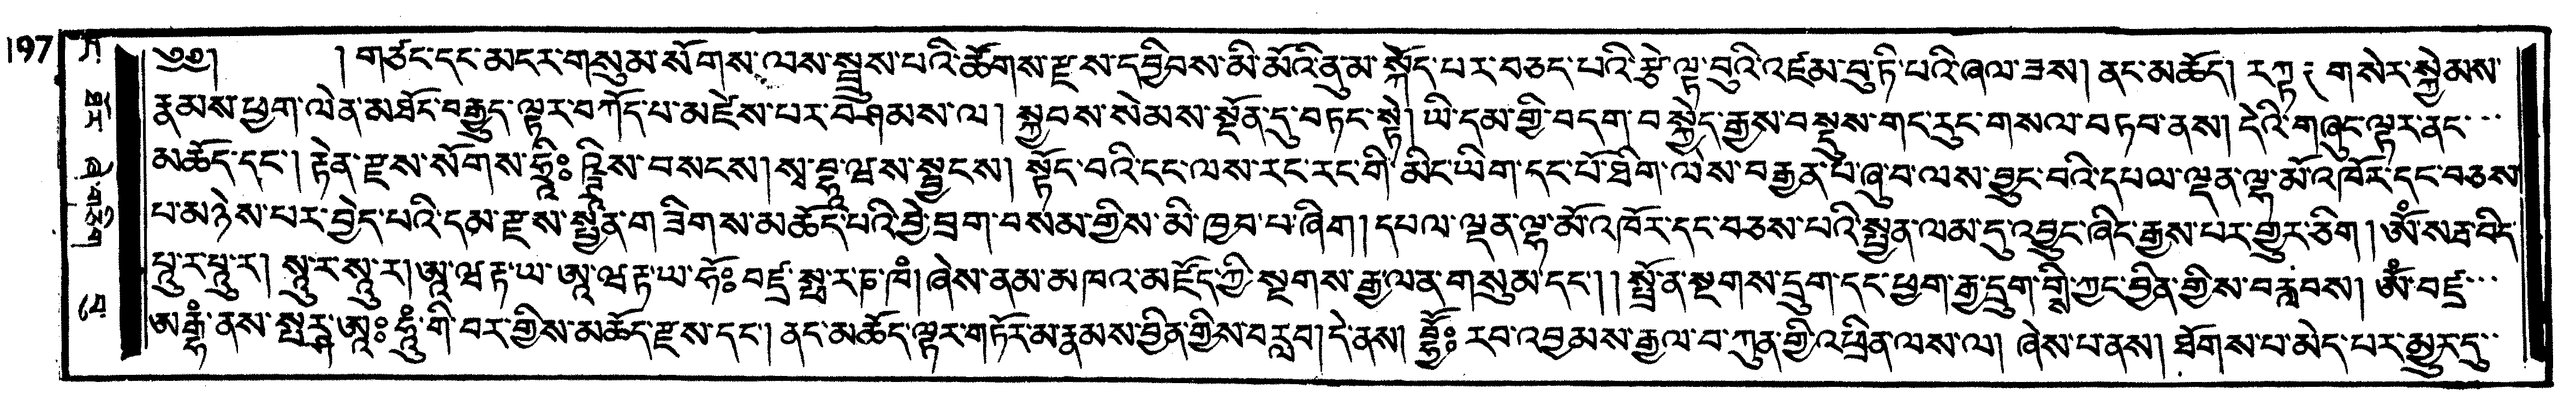༄༅། །གཙང་དང་མངར་གསུམ་སོགས་ལས་སྦྲུས་པའི་ཚོགས་རྫས་དབྱིབས་མི་མོའི་ནུ་མ་སྐོད་པར་བཅད་པའི་རྩེ་ལྟ་བུའི་འཛམ་བུ་ཏི་པའི་ཞལ་ཟས། ནང་མཆོད། རཀྟ༑ གསེར་སྐྱེམས་
རྣམས་ཕྱག་ལེན་མཐོང་བརྒྱུད་ལྟར་བཀོད་པ་མཛེས་པར་བཤམས་ལ། སྐྱབས་སེམས་སྔོན་དུ་བཏང་སྟེ། ཡི་དམ་གྱི་བདག་བསྐྱེད་རྒྱས་བསྡུས་གང་རུང་གསལ་བཏབ་ནས། དེའི་གཞུང་ལྟར་ནང་
མཆོད་དང་། རྟེན་རྫས་སོགས་ཧྲཱིཿ ཥྚྲཱིས་བསངས། སྭ་བྷཱ་ཝས་སྦྱངས། སྟོང་བའི་ངང་ལས་རང་རང་གི་མིང་ཡིག་དང་པོ་ཐིག་ལེས་བརྒྱན་པ་ཞུ་བ་ལས་བྱུང་བའི་དཔལ་ལྡན་ལྷ་མོ་འཁོར་དང་བཅས་
པ་མཉེས་པར་བྱེད་པའི་དམ་རྫས་སྤྱན་གཟིགས་མཆོད་པའི་བྱེ་བྲག་བསམ་གྱིས་མི་ཁྱབ་པ་ཞིག །དཔལ་ལྡན་ལྷ་མོ་འཁོར་དང་བཅས་པའི་སྤྱན་ལམ་དུ་འབྱུང་ཞིང་རྒྱས་པར་གྱུར་ཅིག །ཨོཾ་སརྦ་བིད་
པཱུ་ར་པཱུ་ར། སཱུ་ར་སཱུ་ར། ཨཱ་ཝརྟ་ཡ་ཨཱ་ཝརྟ་ཡ་ཧོཿ བཛྲ་སྥ་ར་ཎ་ཁཾ། ཞེས་ནམ་མཁའ་མཛོད་ཀྱི་སྔགས་རྒྱ་ལན་གསུམ་དང་། །སྤྲོ་ན་སྔགས་དྲུག་དང་ཕྱག་རྒྱ་དྲུག་གིས་ཀྱང་བྱིན་གྱིས་བརླབས། ཨོཾ་བཛྲ་
ཨརྒྷཾ་ནས་སྤརྴ་ཨཱཿ ཧཱུཾ་གི་བར་གྱིས་མཆོད་རྫས་དང་། ནང་མཆོད་ལྟར་གཏོར་མ་རྣམས་བྱིན་གྱིས་བརླབ། དེ་ནས། བྷྱཽཿ རབ་འབྱམས་རྒྱལ་བ་ཀུན་གྱི་འཕྲིན་ལས་ལ། ཞེས་པ་ནས། ཐོགས་པ་མེད་པར་མྱུར་དུ་